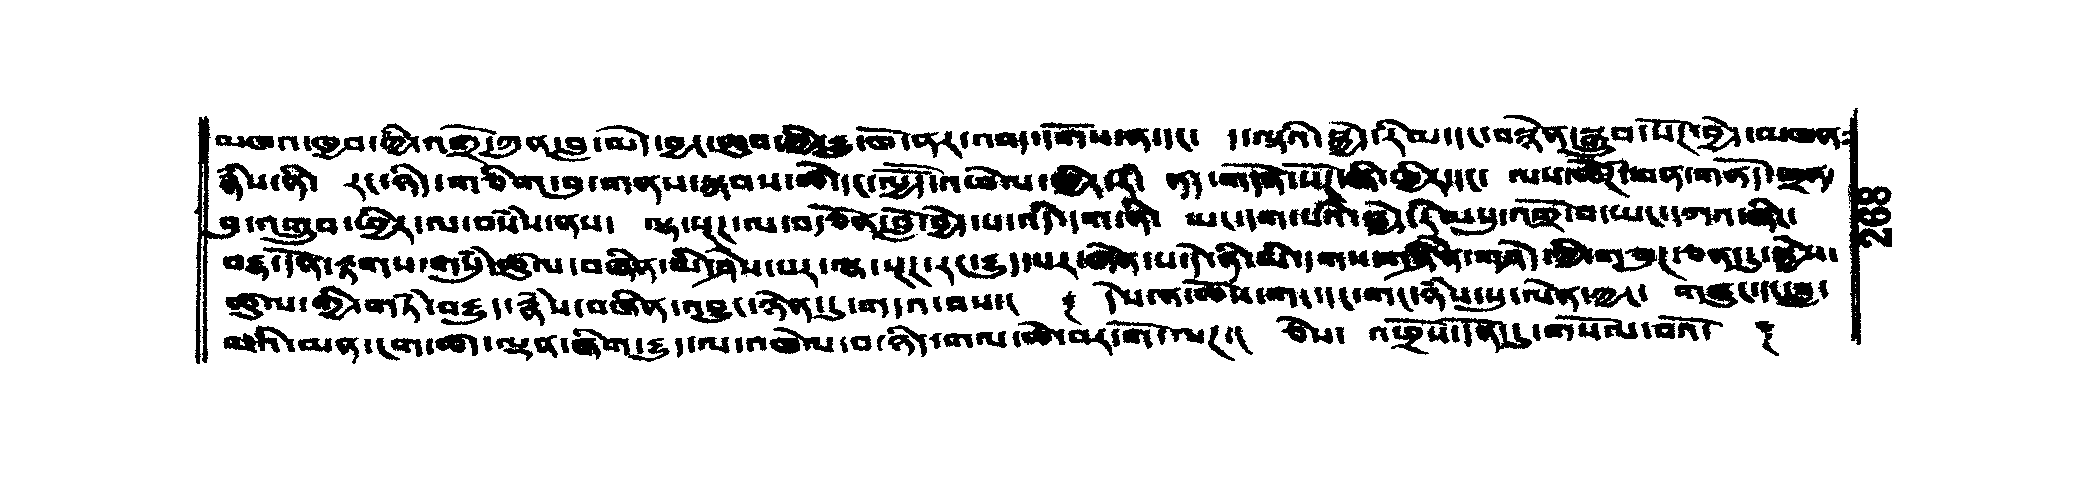མཁའ་ཁྱབ་ཀྱི་འགྲོ་ཀུན་བླ་མེད་བྱང་ཆུབ་ཀྱི་རྒྱུ་ཁོ་ནར་འབད་དགོས་ནའང་། ད་ལྟའི་བསྐྱེད་རིམ་དང་བསྙེན་སྒྲུབ་སོགས་བྱེད་མཁན་
རྣམས་ནི། རང་ཉིད་གཅིག་བུ་གནས་སྐབས་ཚེ་དང་ལོངས་སྤྱོད་འཕེལ་ཕྱིར་རམ། ནད་གདོན་སོགས་ཞི་ཕྱིར་དང་། ལས་ཚོགས་ཕན་གནོད་ཕྲན་
བུ་འགྲུབ་ཕྱིར་ལ་བསམས་ནས། ལྷ་སྔགས་ལ་བརྩོན་བློ་བྱེད་པ་འདི་དག་ནི། ཡང་དག་པའི་བསྐྱེད་རིམས་སུ་འགྲོ་བ་ཡང་དཀའ་ཞིང་། 
བརྡ་དོན་རྟགས་གསུམ་ཚུལ་བཞིན་མི་ཤེས་པར་ལྷ་སྔགས་རང་རྒྱུད་པར་ཞེན་པ་དེ་ནི་ཡི་དྭགས་གཤེན་རྗེ་གཤེད་ཀྱི་གཟུགས་ཅན་དུ་སྐྱེས་
ཚུལ་གྱི་གཏམ་བརྒྱུད་ཉམས་བཞིན་འབྱུང་ཉེན་དུ་གདའ་བས། ༈ དེས་ན་ཆོས་གང་དང་གང་རྣསམ་སུ་ལེན་ཀྱང་། གཞུང་དང་བླ་
མའི་མན་ངག་ཚད་ལྡན་ཞིག་རྒྱུད་ལ་འཁེལ་བ་ཉིད་གལ་ཆེ་བར་གོ་ལགས། ཅེས་འཕྲོས་དོན་དུ་གསོལ་བའོ།། ༈